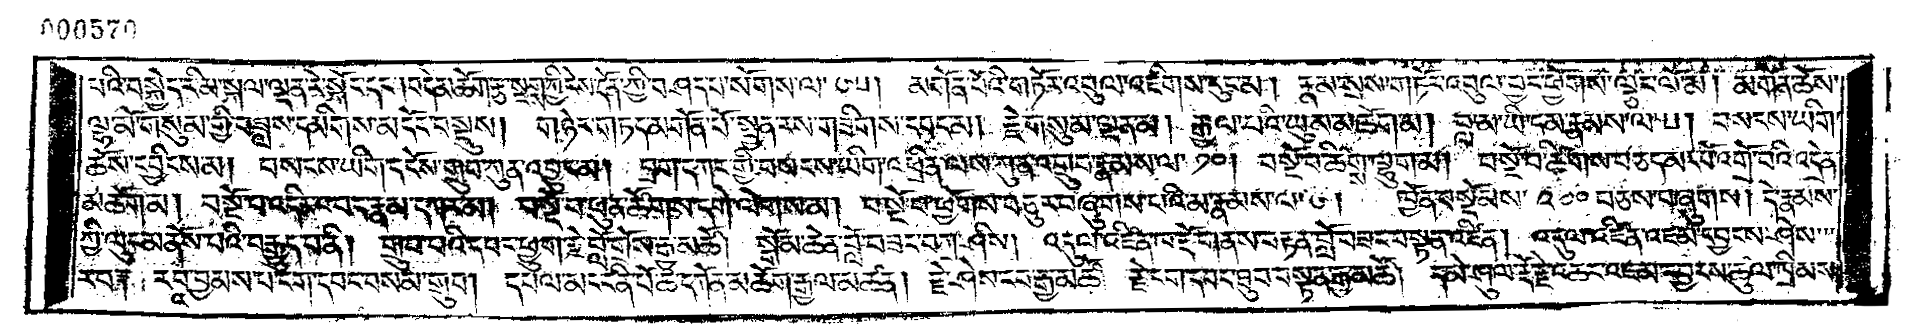པའི་བསྐྱེད་རིམ་སྐལ་ལྡན་རེ་སྐོང་དང་།བདེ་མཆོག་རྩ་སྔགས་ཀྱི་ངེས་དོན་ཀྱི་བཤད་པ་སོགས་ལ ༦༥། མགོན་པོའི་གཏོར་འབུལ་འཇིགས་རུང་མ། རྣམ་སྲས་གཏོར་འབུལ་བྱང་ཕྱོགས་ལྕང་ལོ་མ། མགོན་ཆོས་
ལྷ་མོ་གསུམ་གྱི་བཟླས་དམིགས་མདོར་བསྡུས། གཉེར་གཏད་མགོན་པོ་སྤྱན་རས་གཟིགས་དབང་མ། རྗེ་གསུམ་ལྡན་མ། རྒྱལ་པའི་ཡུམ་མཆོག་མ། བླ་མ་ཡི་དམ་རྣམས་ལ ༥། བསངས་ཡིག་
ཆོས་དབྱིངས་མ། བསངས་ཡིག་དངོས་གྲུབ་ཀུན་འབྱུང་མ། བྲག་དཀར་གྱི་བསངས་ཡིག་འཕྲིན་ལས་ཀུན་འགྲུབ་རྣམས་ལ ༡༠། བསྔོ་བ་ཚིགས་ལྷུག་མ། བསྔོ་བ་ཚིགས་བཅད་མང་པོ་འགྲོ་བའི་འདྲེན་
མཆོག་མ། བསྔོ་བ་འདིར་འབད་རྣམ་དཀར་མ། བསྔོ་བ་ཕུན་ཚོགས་དགེ་ལེགས་མ། བསྔོ་བ་ཕྱོགས་བཅུར་བཞུགས་པའི་མ་རྣམས་ལ ༦། ཁྱོན་བསྡོམས ༢༧༠་བཅས་བཞུགས། དེ་རྣམས་
ཀྱི་ལུང་མནོས་པའི་བརྒྱུད་པ་ནི། གྲུབ་པའི་དབང་ཕྱུག་རྗེ་བློ་གྲོས་རྒྱ་མཚོ། སྒོམ་ཆེན་བློ་བཟང་བཀྲ་ཤིས། འདུལ་འཛིན་ཁ་རྡོ་གནས་བརྟན་བློ་བཟང་བསྟན་འཛིན། འདུལ་འཛིན་འཇམ་དབྱངས་ཤེས་
རབ༑ རབ་འབྱམས་པ་ངག་དབང་བསམ་གྲུབ། དཔལ་མང་རིན་པོ་ཆེ་དཀོན་མཆོག་རྒྱལ་མཚན། རྗེ་ཤེས་རབ་རྒྱ་མཚོ། རྗེ་ངག་དབང་ཐུབ་བསྟན་རྒྱ་མཚོ། དམེ་ཤུལ་རྡོ་རྗེ་འཆར་འཇམ་དབྱངས་ཚུལ་ཁྲིམས།